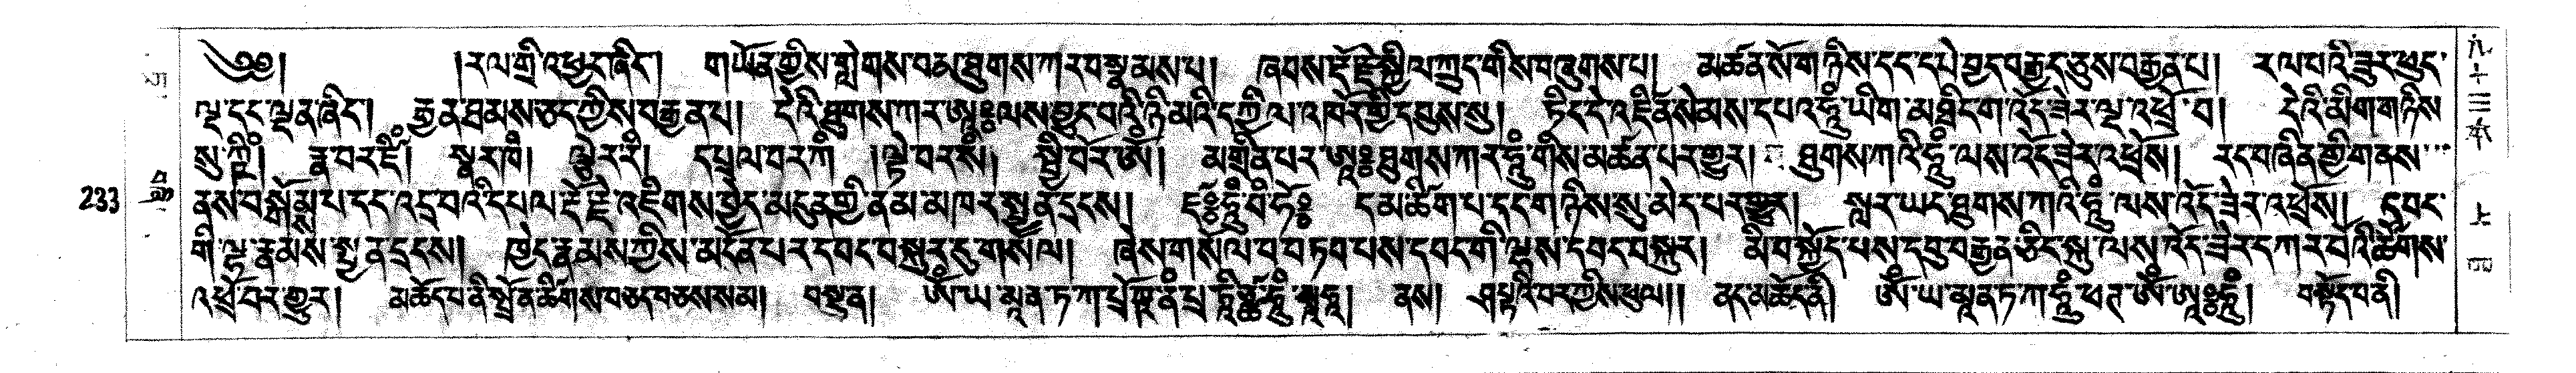༄༅། །རལ་གྲི་འཕྱར་ཞིང་། གཡོན་གྱིས་གླེགས་བམ་ཐུགས་ཀར་བསྣམས་པ། ཞབས་རྡོ་རྗེ་སྐྱིལ་ཀྲུང་གྱིས་བཞུགས་པ། མཚན་སོ་གཉིས་དང་དཔེ་བྱད་བརྒྱད་ཅུས་བརྒྱན་པ། རལ་པའི་ཟུར་ཕུད་
ལྔ་དང་ལྡན་ཞིང་། རྒྱན་ཐམས་ཅད་ཀྱིས་བརྒྱན་པ། དེའི་ཐུགས་ཀར་ཨཱཿ་ལས་བྱུང་བའི་ཉི་མའི་དཀྱིལ་འཁོར་གྱི་དབུས་སུ། ཏིང་ངེ་འཛིན་སེམས་དཔའ་ཧཱུཾ་ཡིག་མཐིང་ག་འོད་ཟེར་ལྔ་འཕྲོ་བ། དེའི་མིག་གཉིས་
སུ་ཀྵིཾ། རྣ་བར་ཛིཾ། སྣར་ཁཾ། ལྕེར་རཾ། དཔྲལ་བར་ཀཾ་།ལྟེ་བར་སཾ། སྦྱི་བོར་ཨོཾ། མགྲིན་པར་ཨཱཿ་ཐུགས་ཀར་ཧཱུཾ་གིས་མཚན་པར་གྱུར། ཐུགས་ཀའི་ཧཱུཾ་ལས་འོད་ཟེར་འཕྲོས། རང་བཞིན་གྱི་གནས་
ནས་བསྒོམས་པ་དང་འདྲ་བའི་དཔལ་རྡོ་རྗེ་འཇིགས་བྱེད་མདུན་གྱི་ནམ་མཁར་སྤྱན་དྲངས། ཛཿ་ཧཱུཾ་བཾ་ཧོཿ་དམ་ཚིག་པ་དང་གཉིས་སུ་མེད་པར་གྱུར། སླར་ཡང་ཐུགས་ཀའི་ཧཱུཾ་ལས་འོད་ཟེར་འཕྲོས། དབང་
གི་ལྷ་རྣམས་སྤྱན་དྲངས། ཁྱེད་རྣམས་ཀྱིས་མངོན་པར་དབང་བསྐུར་དུ་གསོལ། ཞེས་གསོལ་བ་བཏབ་པས་དབང་གི་ལྷས་དབང་བསྐུར། མི་བསྐྱོད་པས་དབུ་བརྒྱན་ཅིང་སྐུ་ལས་འོད་ཟེར་དཀར་པོའི་ཚིགས་
འཕྲོ་བར་གྱུར། མཆོད་པ་ནི་སྤྲོ་ན་ཚིགས་བཅད་བཅས་སམ། བསྡུ་ན། ཨོཾ་ཡ་མཱན་ཏ་ཀ་པྲོ་ཀྵ་ནཾ་པྲ་ཏཱིཙྪ་ཧཱུཾ་སྭཱཧཱ། ནས། ཤཔྟའི་བར་ཀྱིས་ཕུལ།། ནད་མཆོད་ནི། ཨོཾ་ཡ་མཱན་ཏ་ཀ་ཧཱུཾ་ཕཊ་ཨོཾ་ཨཱཿ་ཧཱུཾ། བསྟོད་པ་ནི།